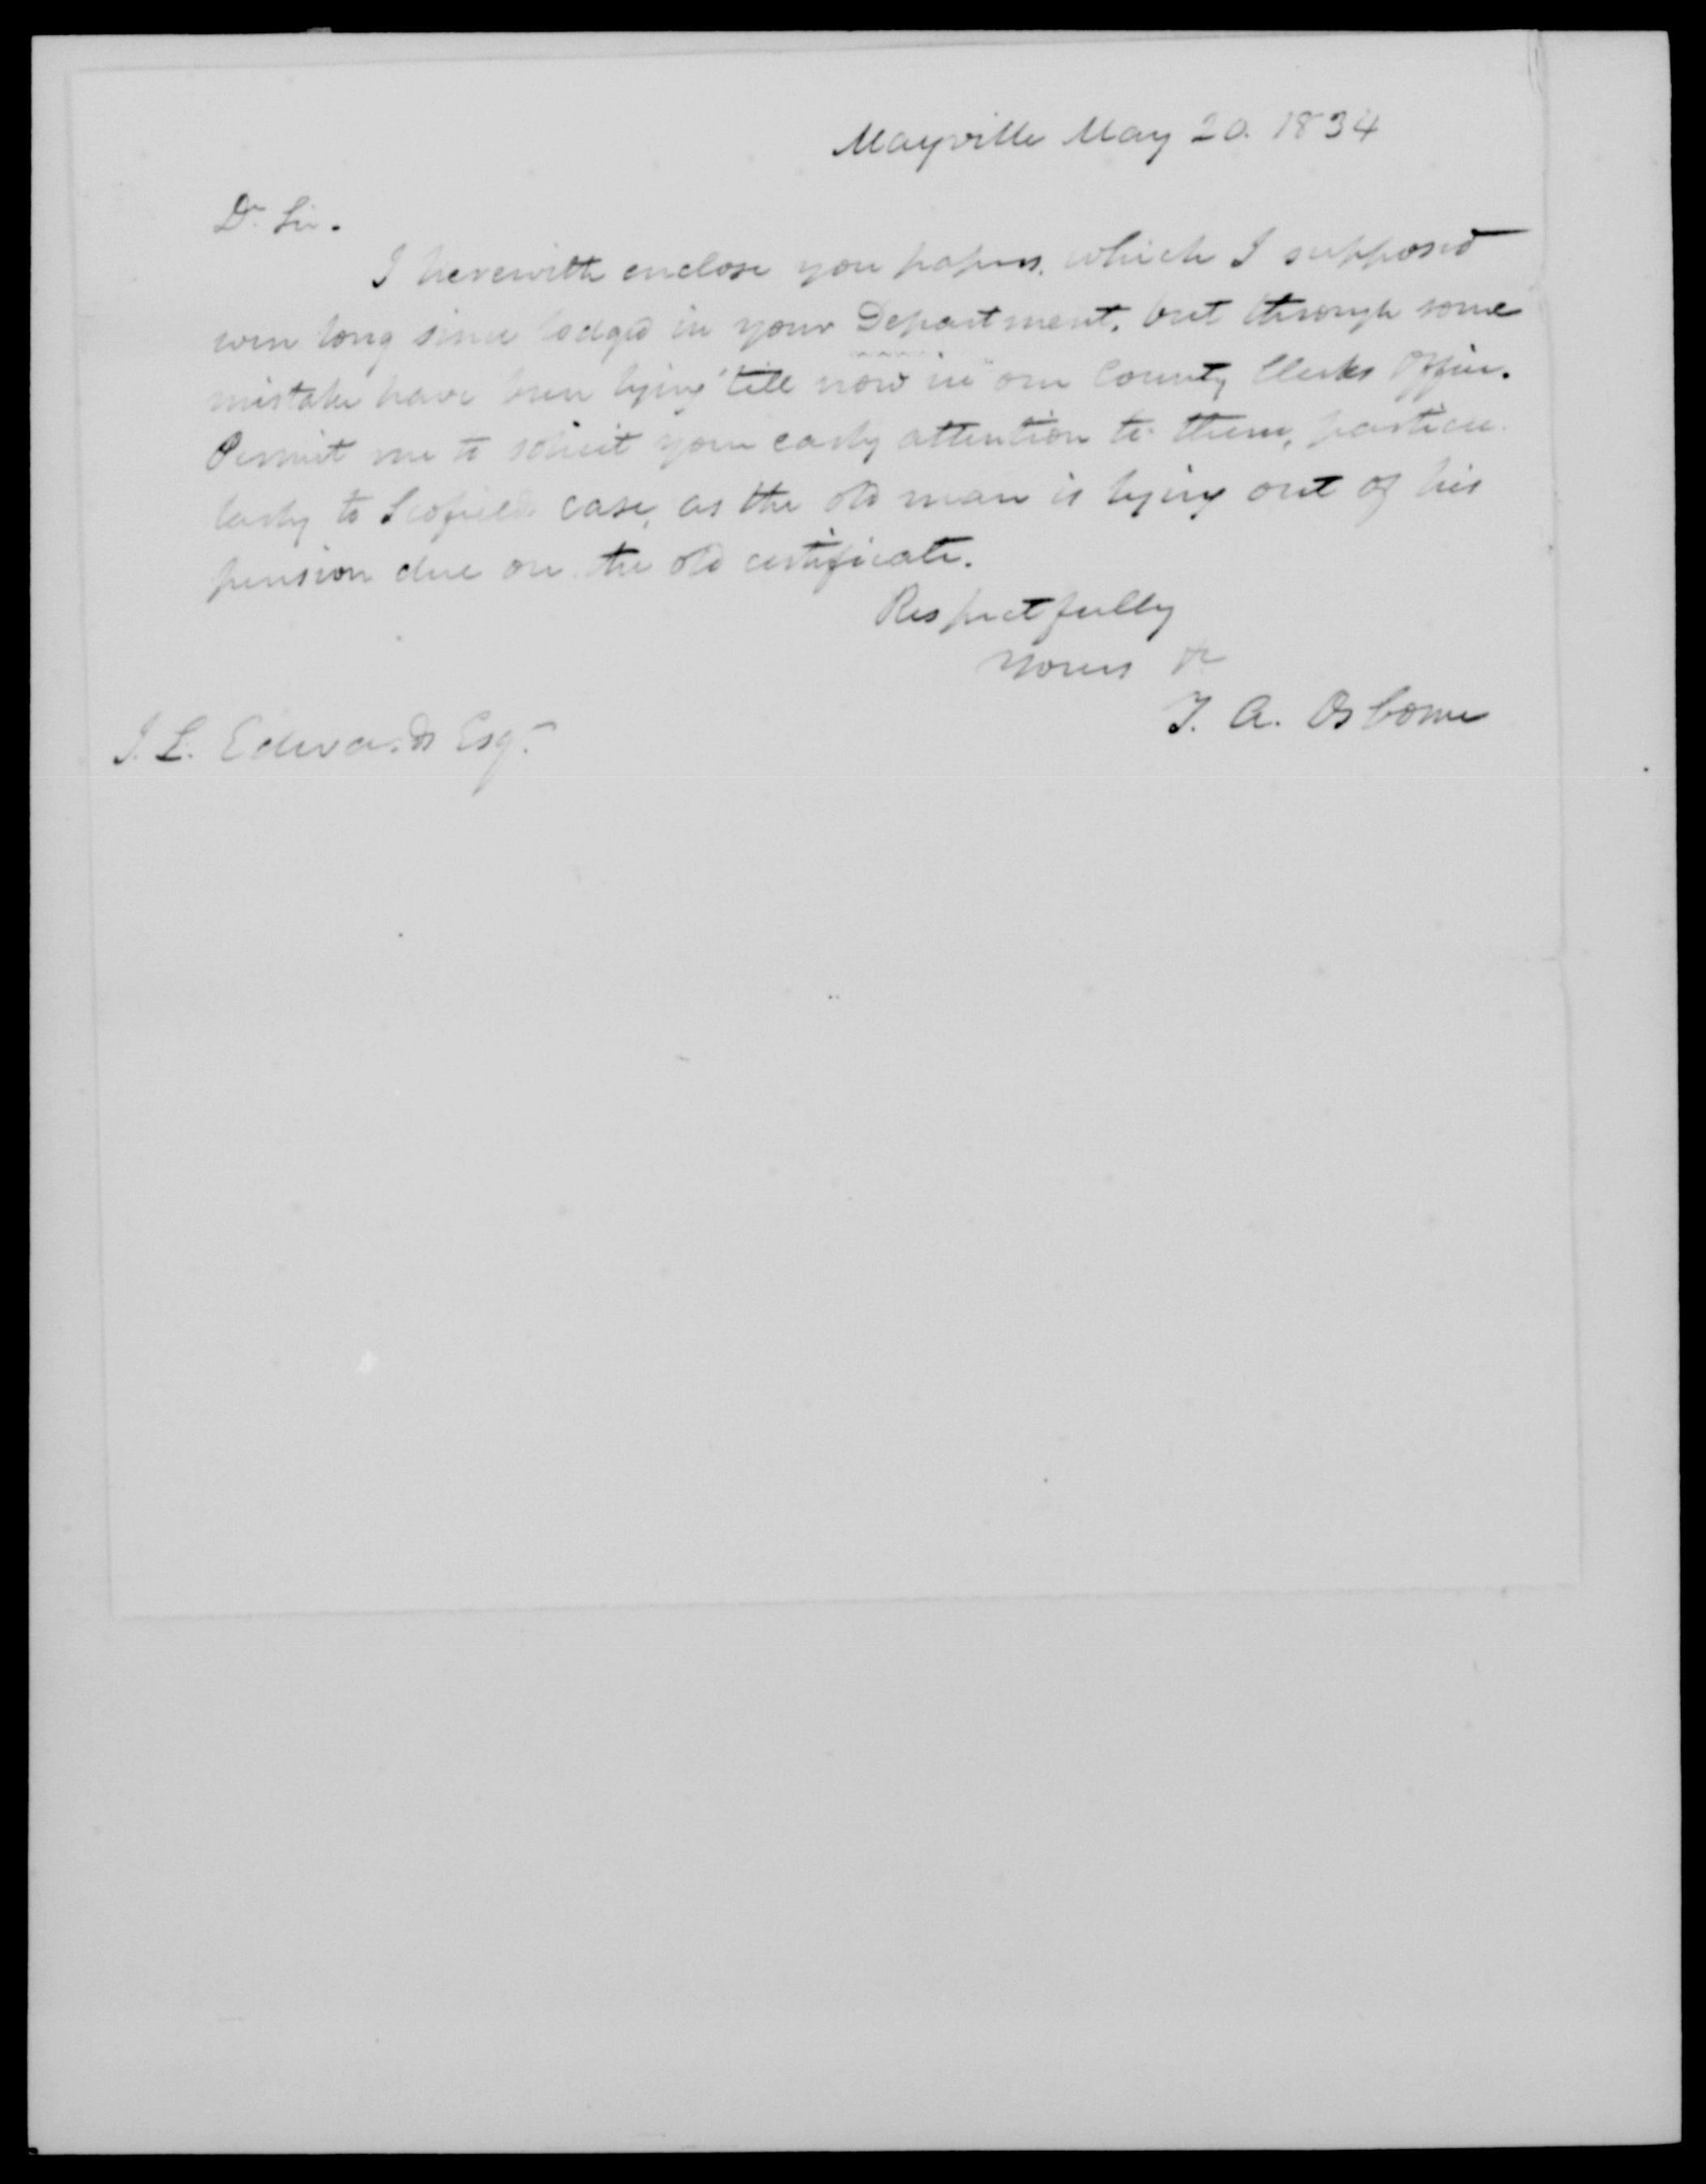Mayville May 20 1834

Dr. Sir.
I herewith enclose you papers which I supposed were long since lodged in your Department, but through some mistake have been lying till now in our County Clerks Office. Permit me to so visit your early attention to them, particularly to Scofields case, as the old man is lying out of his pension due on the old certificate. 
Respectfully yours &c
 T. A. Osborne

J. L. Edwards Esqr.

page: 26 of 36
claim: survivor's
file: S. 10,004, for Seely Scofield, Connecticut